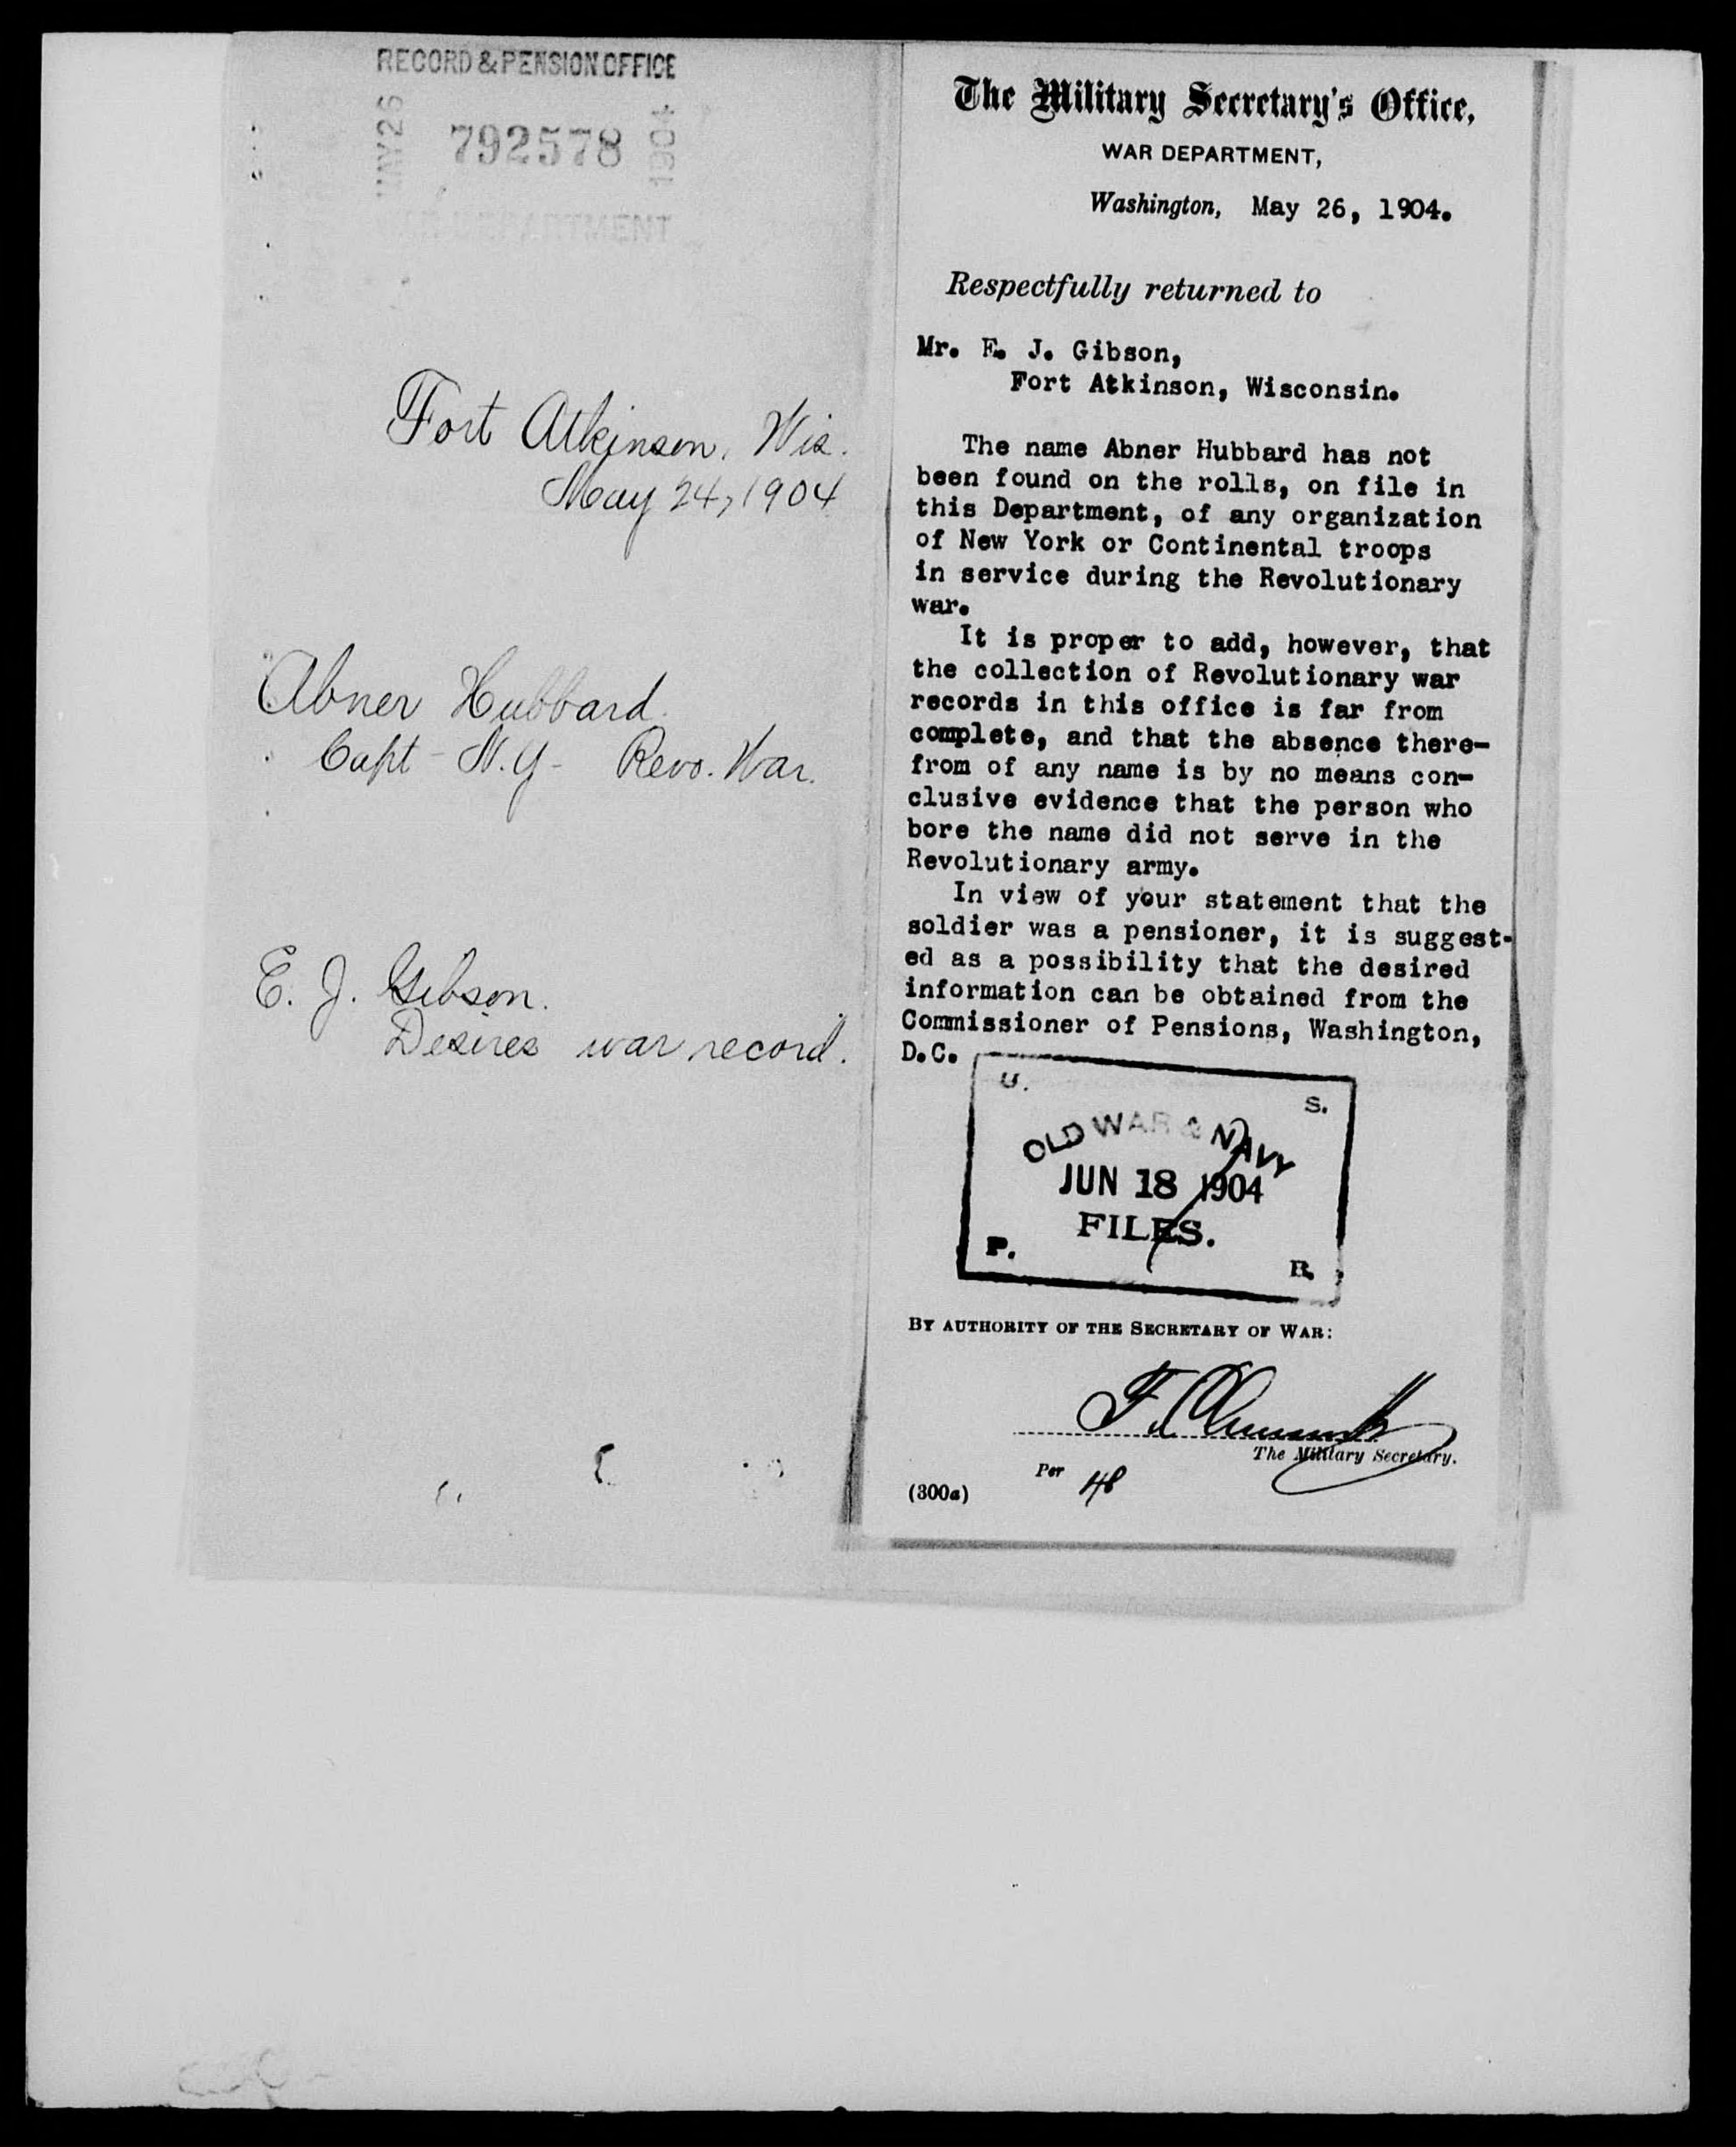Record & Pension Office (left side of image)
May 26, 1904
792578
Fort Atkinson, Wis.
May 24, 1904
The Military Secretary's Office, (right side of image)
War Department,
Washington, May 26, 1904.
Respectfully returned to
Mr. F.J. Gibson
Fort Atkinson, Wisconsin
The name Abner Hubbard has not been found on the rolls, on file in this Department, of any organization of New York or Continental troops in service during the Revolutionary war.
It is proper to add, however, that the collection of Revolutionar war records in this office is far from complete, and that the absence there-from of any name is by no means conclusive evidence that the person who bore the namedid not serve in the Revolutionary army.
In view of your statement that the soldier was a pensioner, it is suggested as a possibility that the desired information can be obtained from the Commissioner of Pensions, Washington, D.C.
Old War  & Navy
June 18, 1904
Files.
[illegible signature]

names: Abner Hubbard, E J Gibson, F C Ainsworth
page: 26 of 38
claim: widow's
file: W. 23,381, Abner Hubbard, Continental Mass.